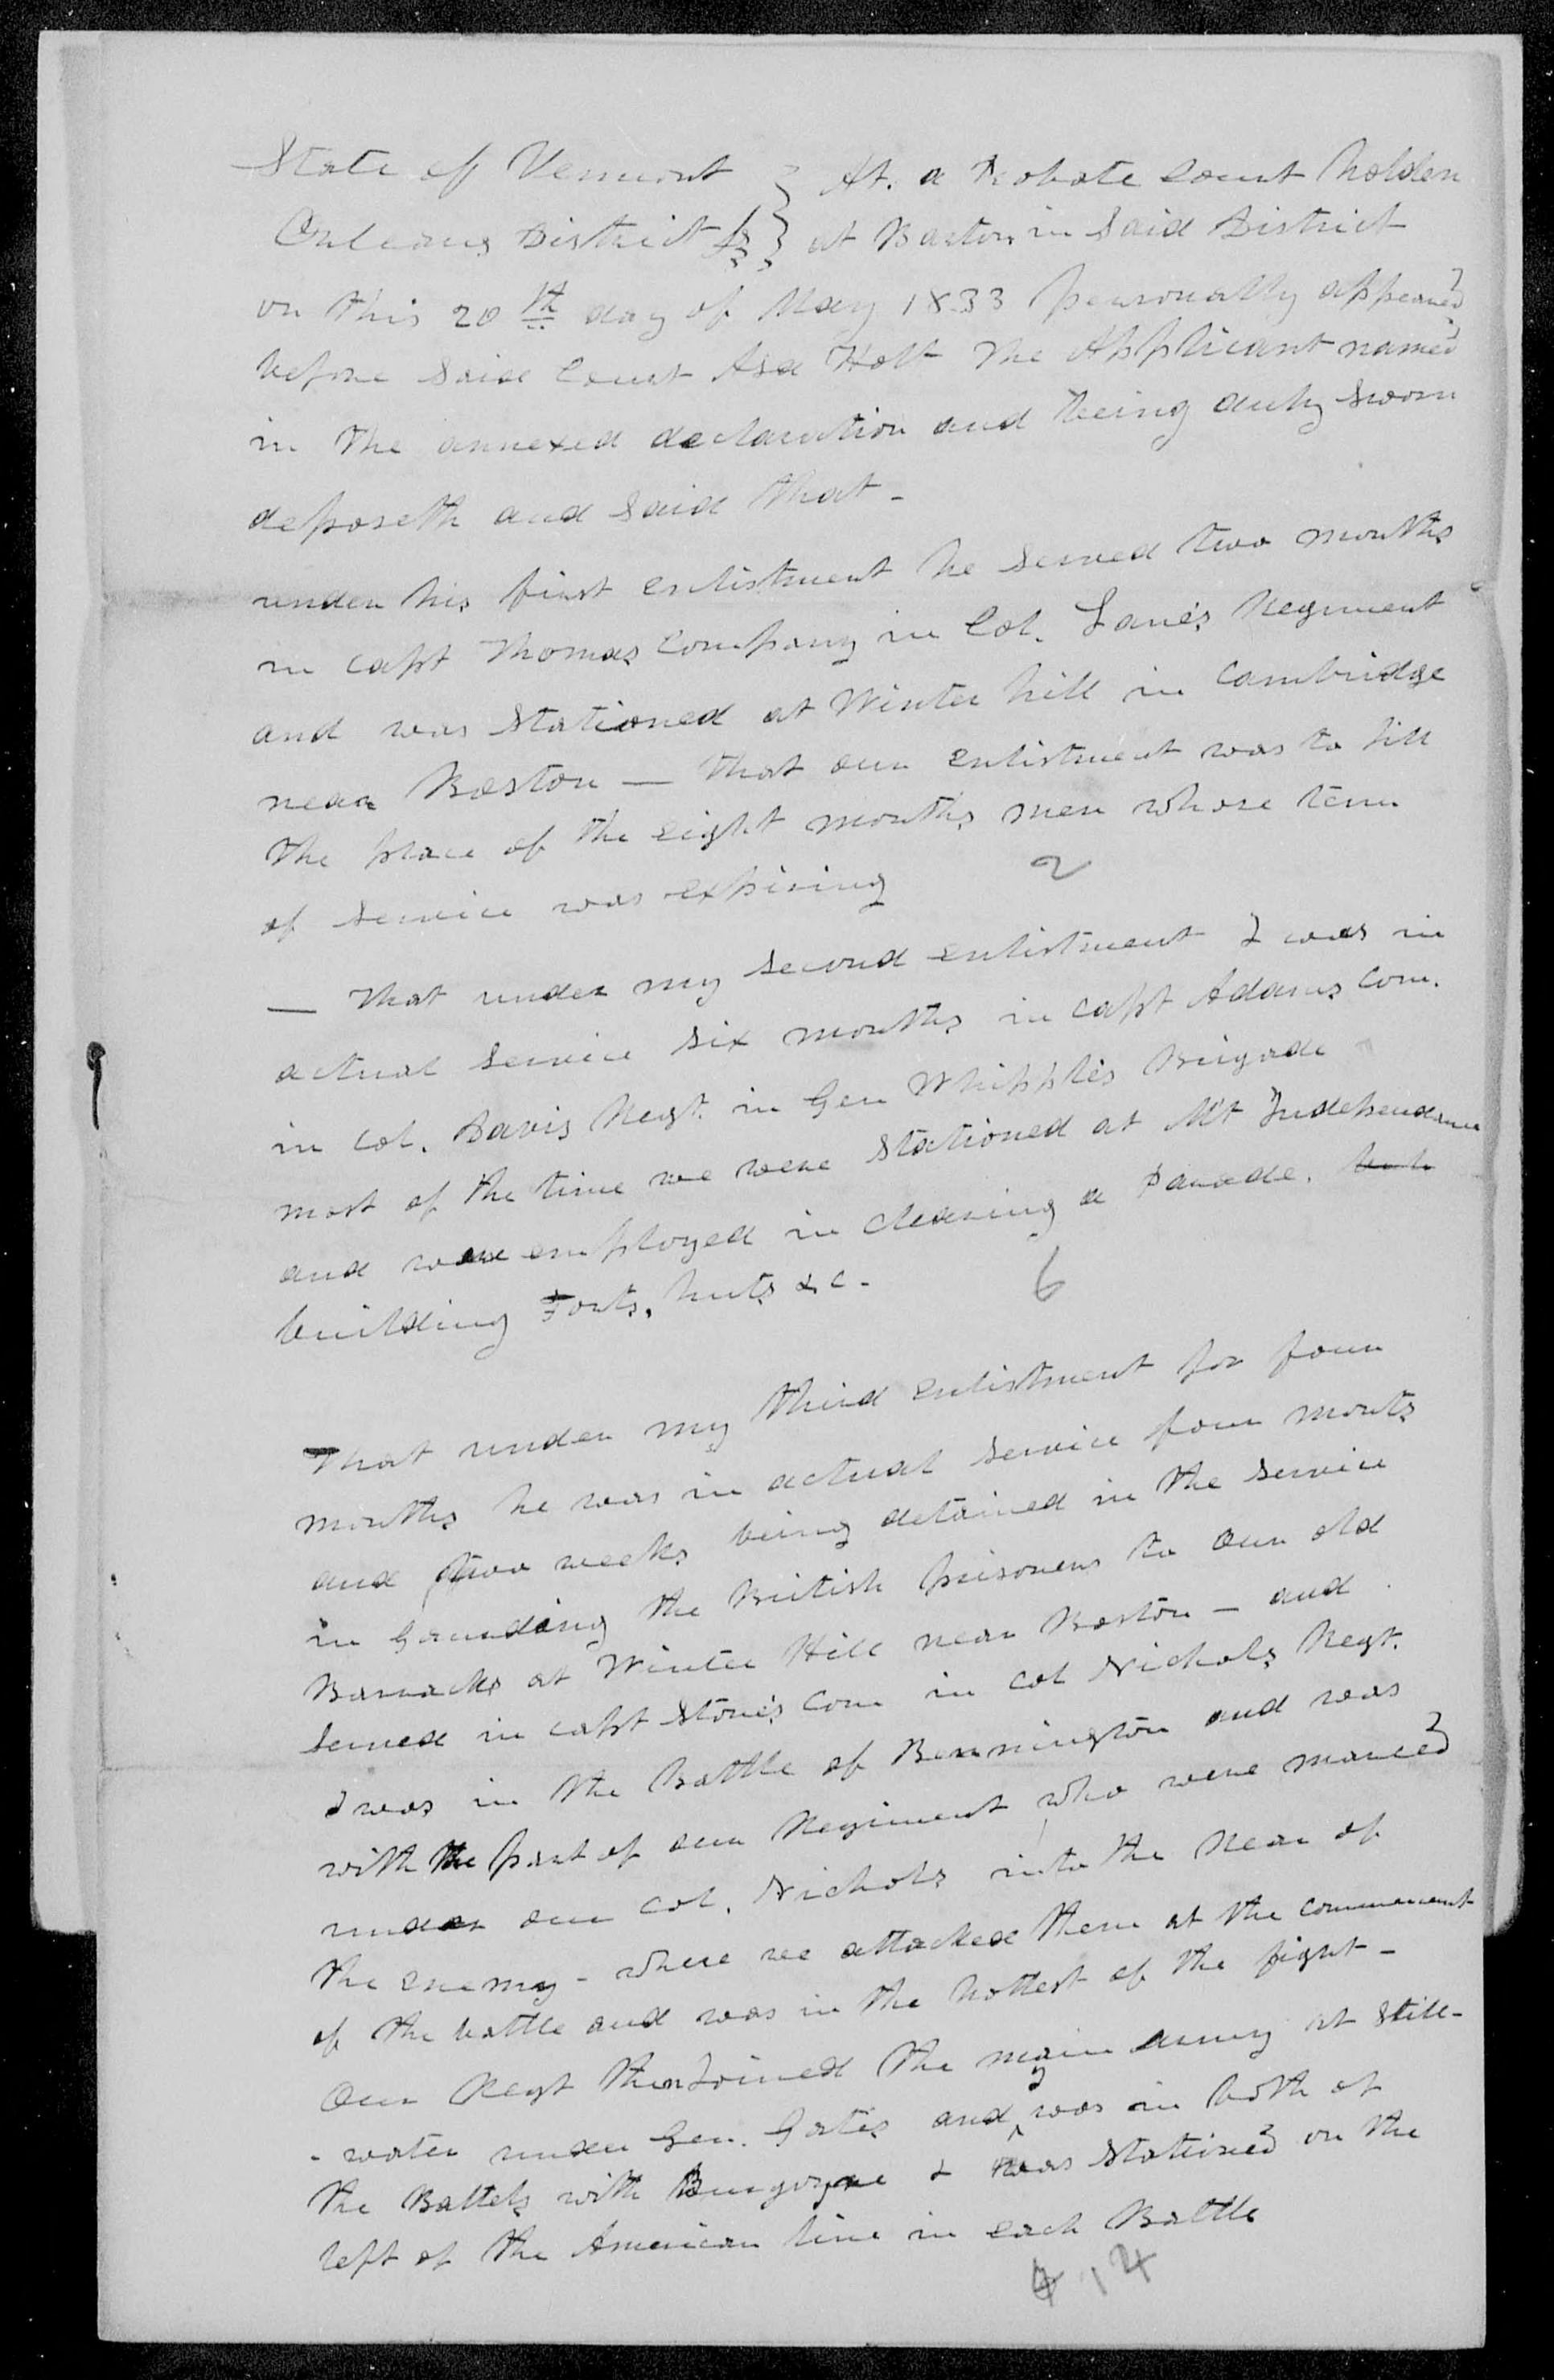State of Vermont
At a Probate Court holden
Orleans District at Boston in said District
On this 20th day of May 1833 personally appeared
before said Court Asa Holt the Applicant named
in the annexed declaration and being duly sworn
deposeth and said that
under his first enlistment he served two months
in Capt Thomas Company in Col. Lane's Regiment
and was stationed at Winter hill in
Cambridge
near Bostonthat
our enlistment was to tell
the place of the eight months men whose him
of service was expiring
second enlistment I was in
that under my
actual service six months in capt Adams Com
in lot. Davis Next in Gen
Whipples Brigademost
of the time we were
stationed at Mt Independ
and were employed in desering
parade, ⌨ ⌨
building
Fouts,
huts &
third enlistment for four
That under my
months
being detained in
the service
he was in actual service four monts
and two weeks
in Grundy
the British prisoners
to our old
Barracks at Winter Hill near Boston
and
serve in Capt Stores Com
in
Col Nichols Regt
I was in
the Battle of Bennington
and was
with the prists regiment who were moved
1
under due
Col Nichols into the near of
the one my
There we attacked them at the comment
of the title and was in the mother of the fight
our next mentined the main army
it still-
7
water under Gen. Gates and was in both of
the Battels with Burgoyne & was stationed on the
left of the American line in each Battle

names: Asa Holt, Adams, Stone, Nichols, Gates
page: 20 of 24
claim: rejected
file: R. 5180, Asa Holt, Mass. Vt.